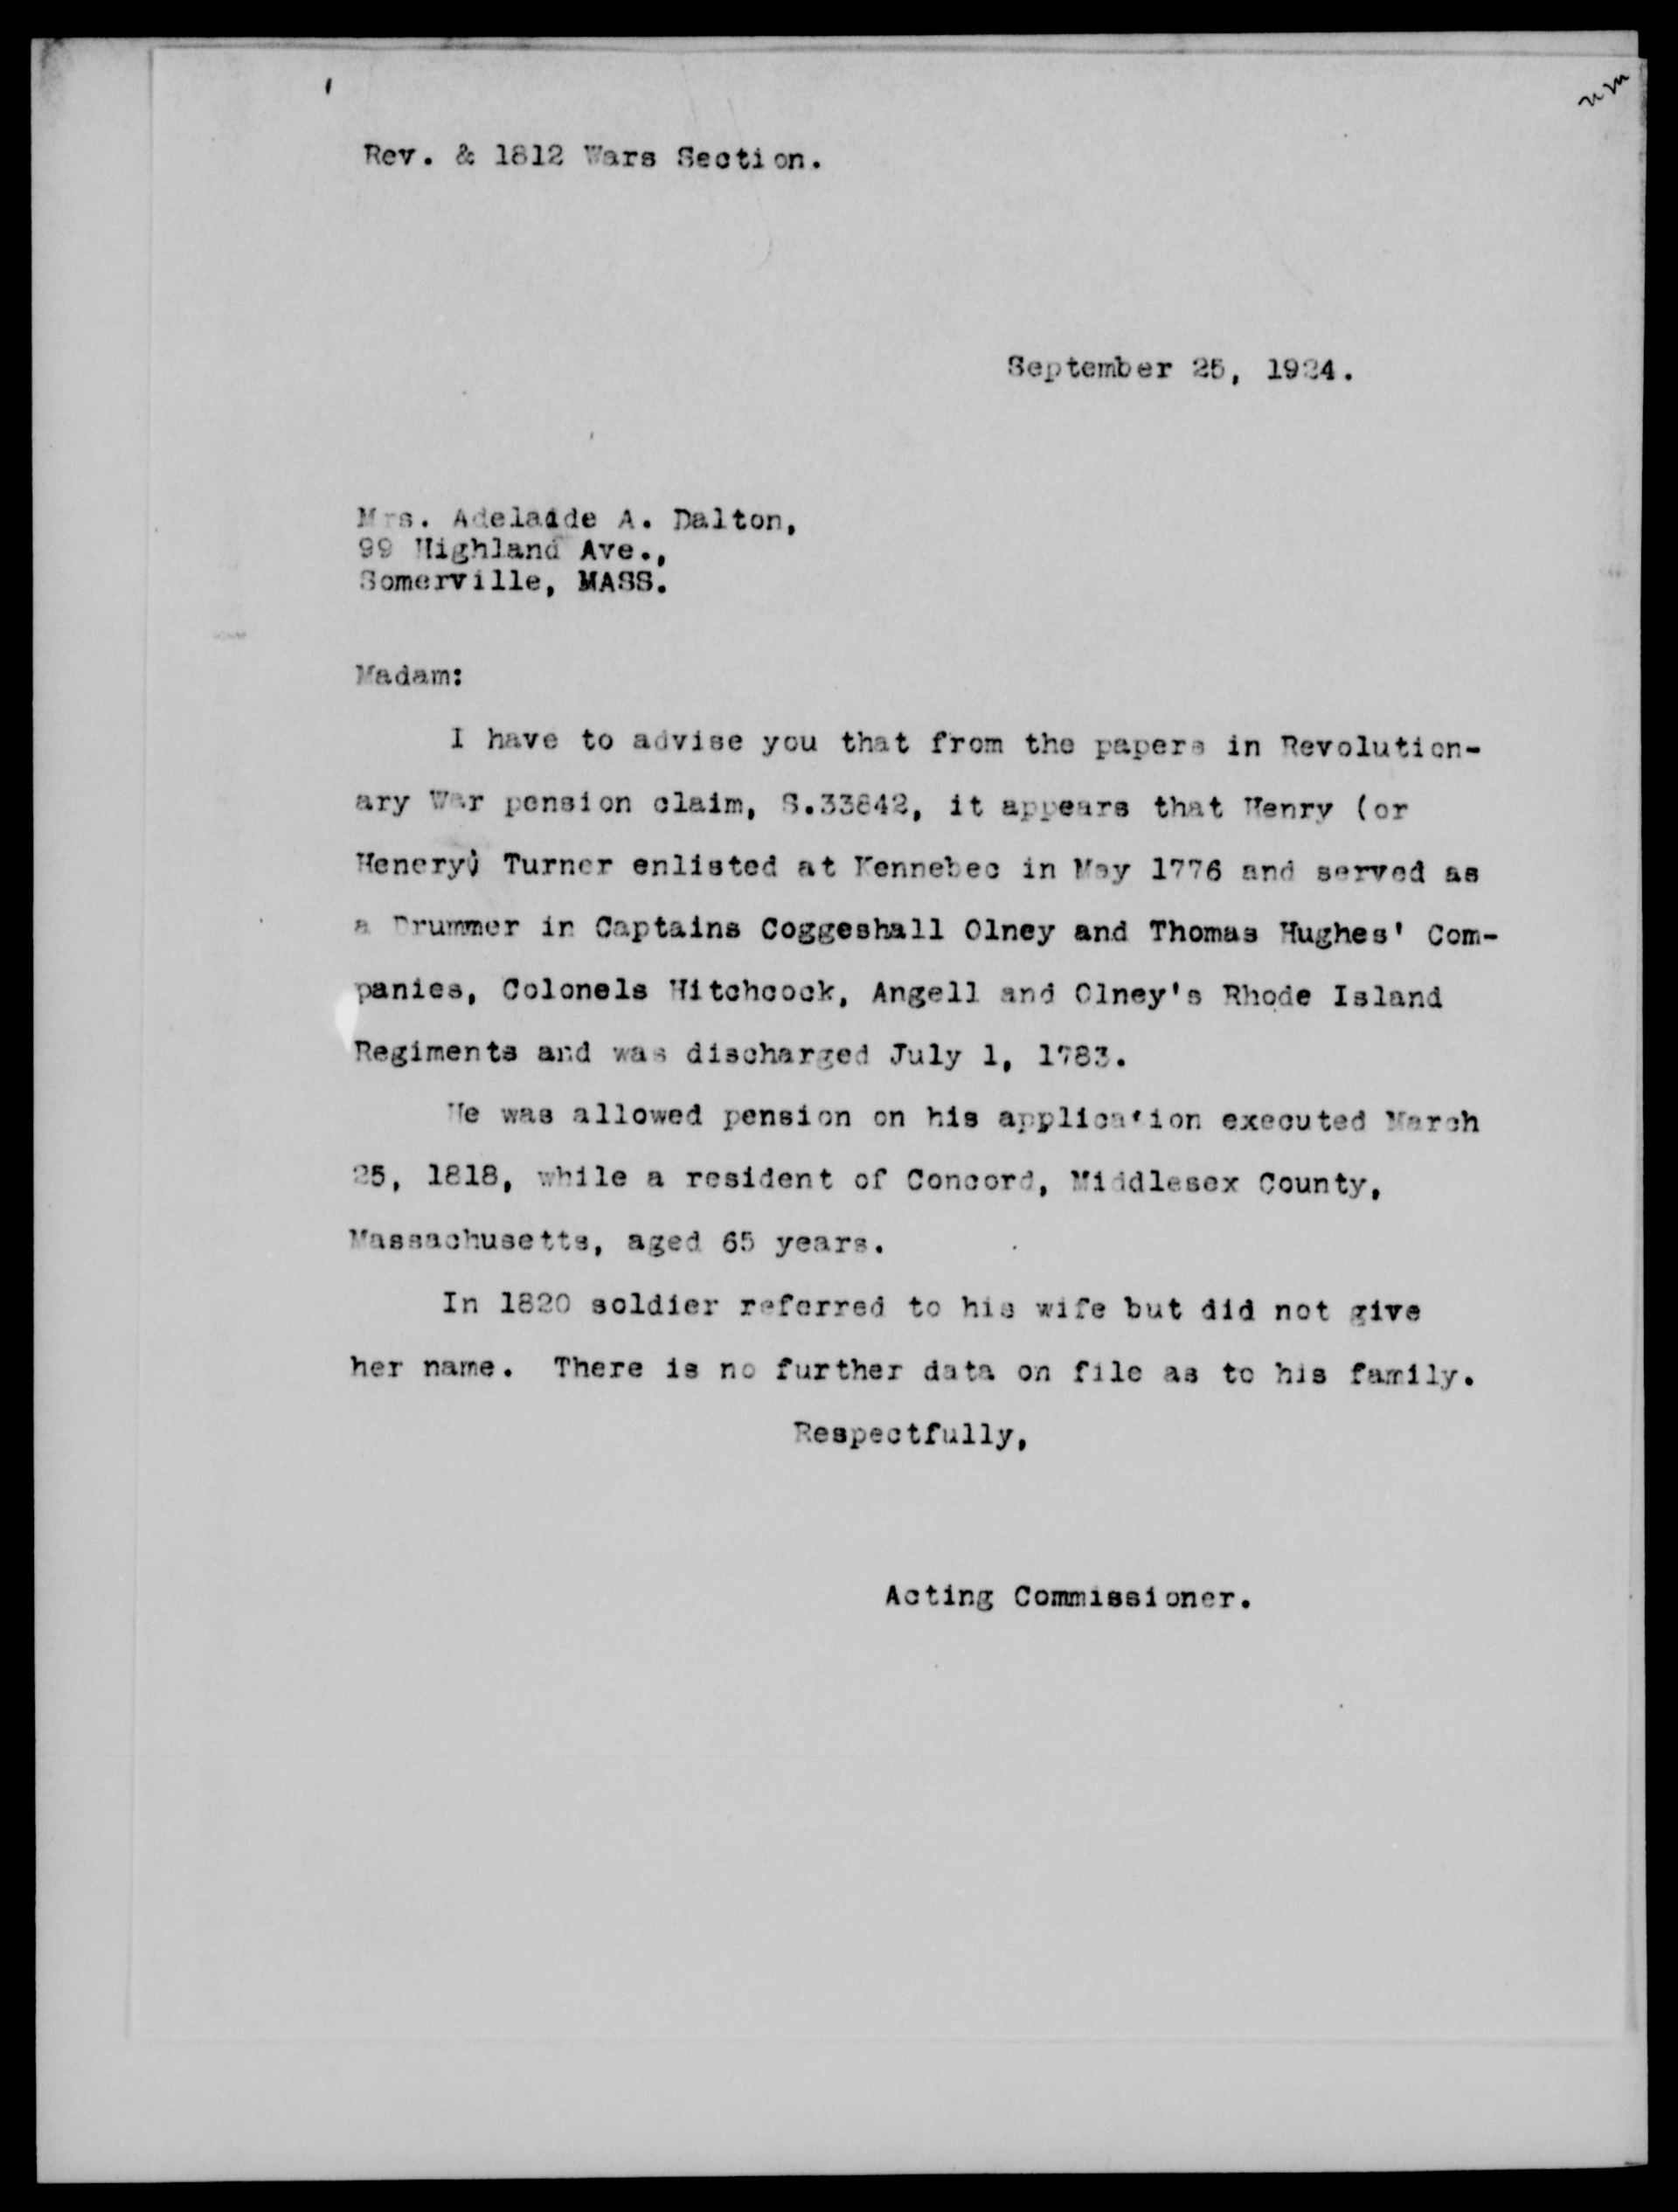Rev. & 1812 Wars Section.

September 25, 1924.

Mrs. Adelaide A. Dalton,

Madam:

I have to advise you that from the papers in Revolutionary War pension claim, S.33842, it appears that Henry (or Henery) Turner enlisted at Kennebec in May 1776 and served as a Drummer in Captains Coggeshall Olney and Thomas Hughes' Companies, Colonels Hitchcock, Angell and Olney's Rhode Island Regiments and was discharged July 1, 1783. 

He was allowed pension on his application executed March 25, 1818, while a resident of Concord, Middlesex County, Massachusetts, aged 65 years.

In 1820 soldier referred to his wife but did not give her name. There is no further data on file as to his family.

Respectfully,

Acting Commissioner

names: Henery Turner, Henry Turner, Adelaide A Dalton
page: 8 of 11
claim: survivor's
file: S. 33842, Henry Turner, R.I.